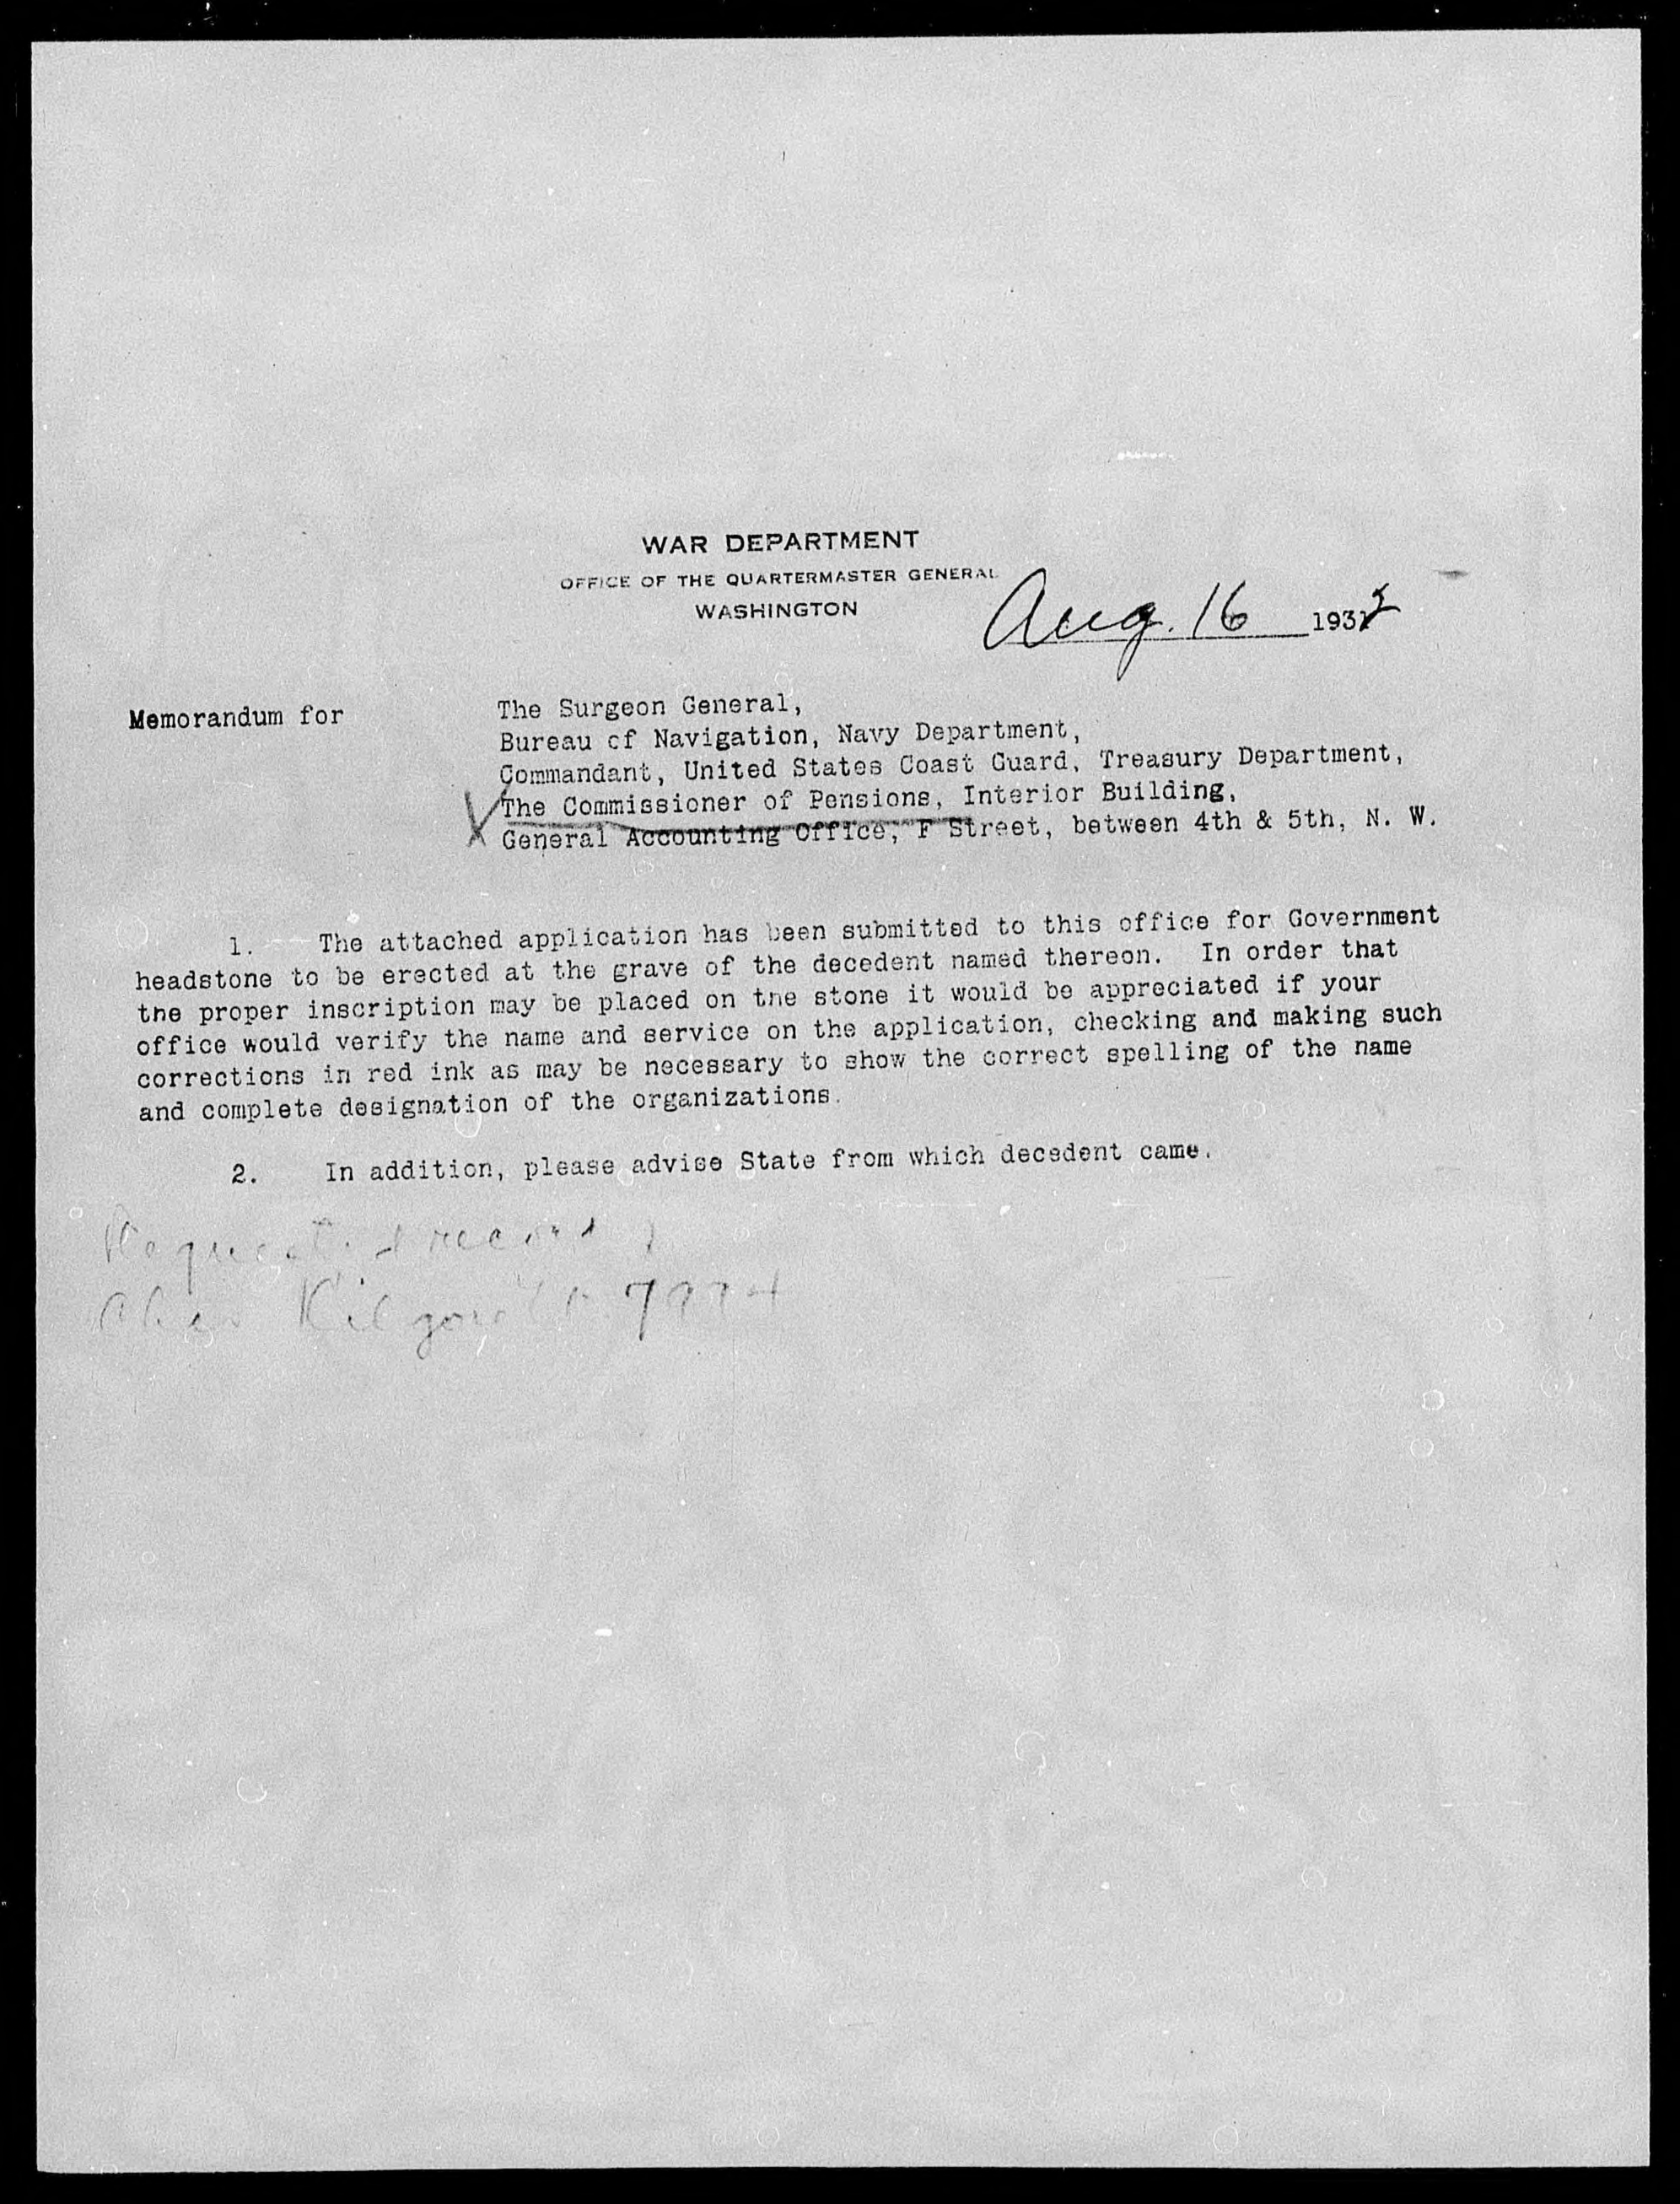WAR DEPARTMENT
OFFICE OF THE QUARTERMASTER GENERAL
WASHINGTON
Aug. 16 1932

Memorandum for The Surgeon General,
Bureau of Navigation, Navy Department,
Commandant, United States Coast Guard, Treasury Department,
The Commissioner of Pensions, Interior Building,
General Accounting Office, F Street, between 4th & 5th, N. W.

1. The attached application has been submitted to this office for Government headstone to be erected at the grave of the decedent named thereon. In order that the proper inscription may be placed on the stone it would be appreciated if your office would verify the name and service on the application, checking and making such corrections in red ink as may be necessary to show the correct spelling of the name and complete designation of the organizations.
2. In addition, please advise State from which decedent came.

requested record of Chas. Kilgore W. 7994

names: Chas Kilgore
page: 68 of 115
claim: survivor's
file: S. 699, for Charles Kilgore, Virginia